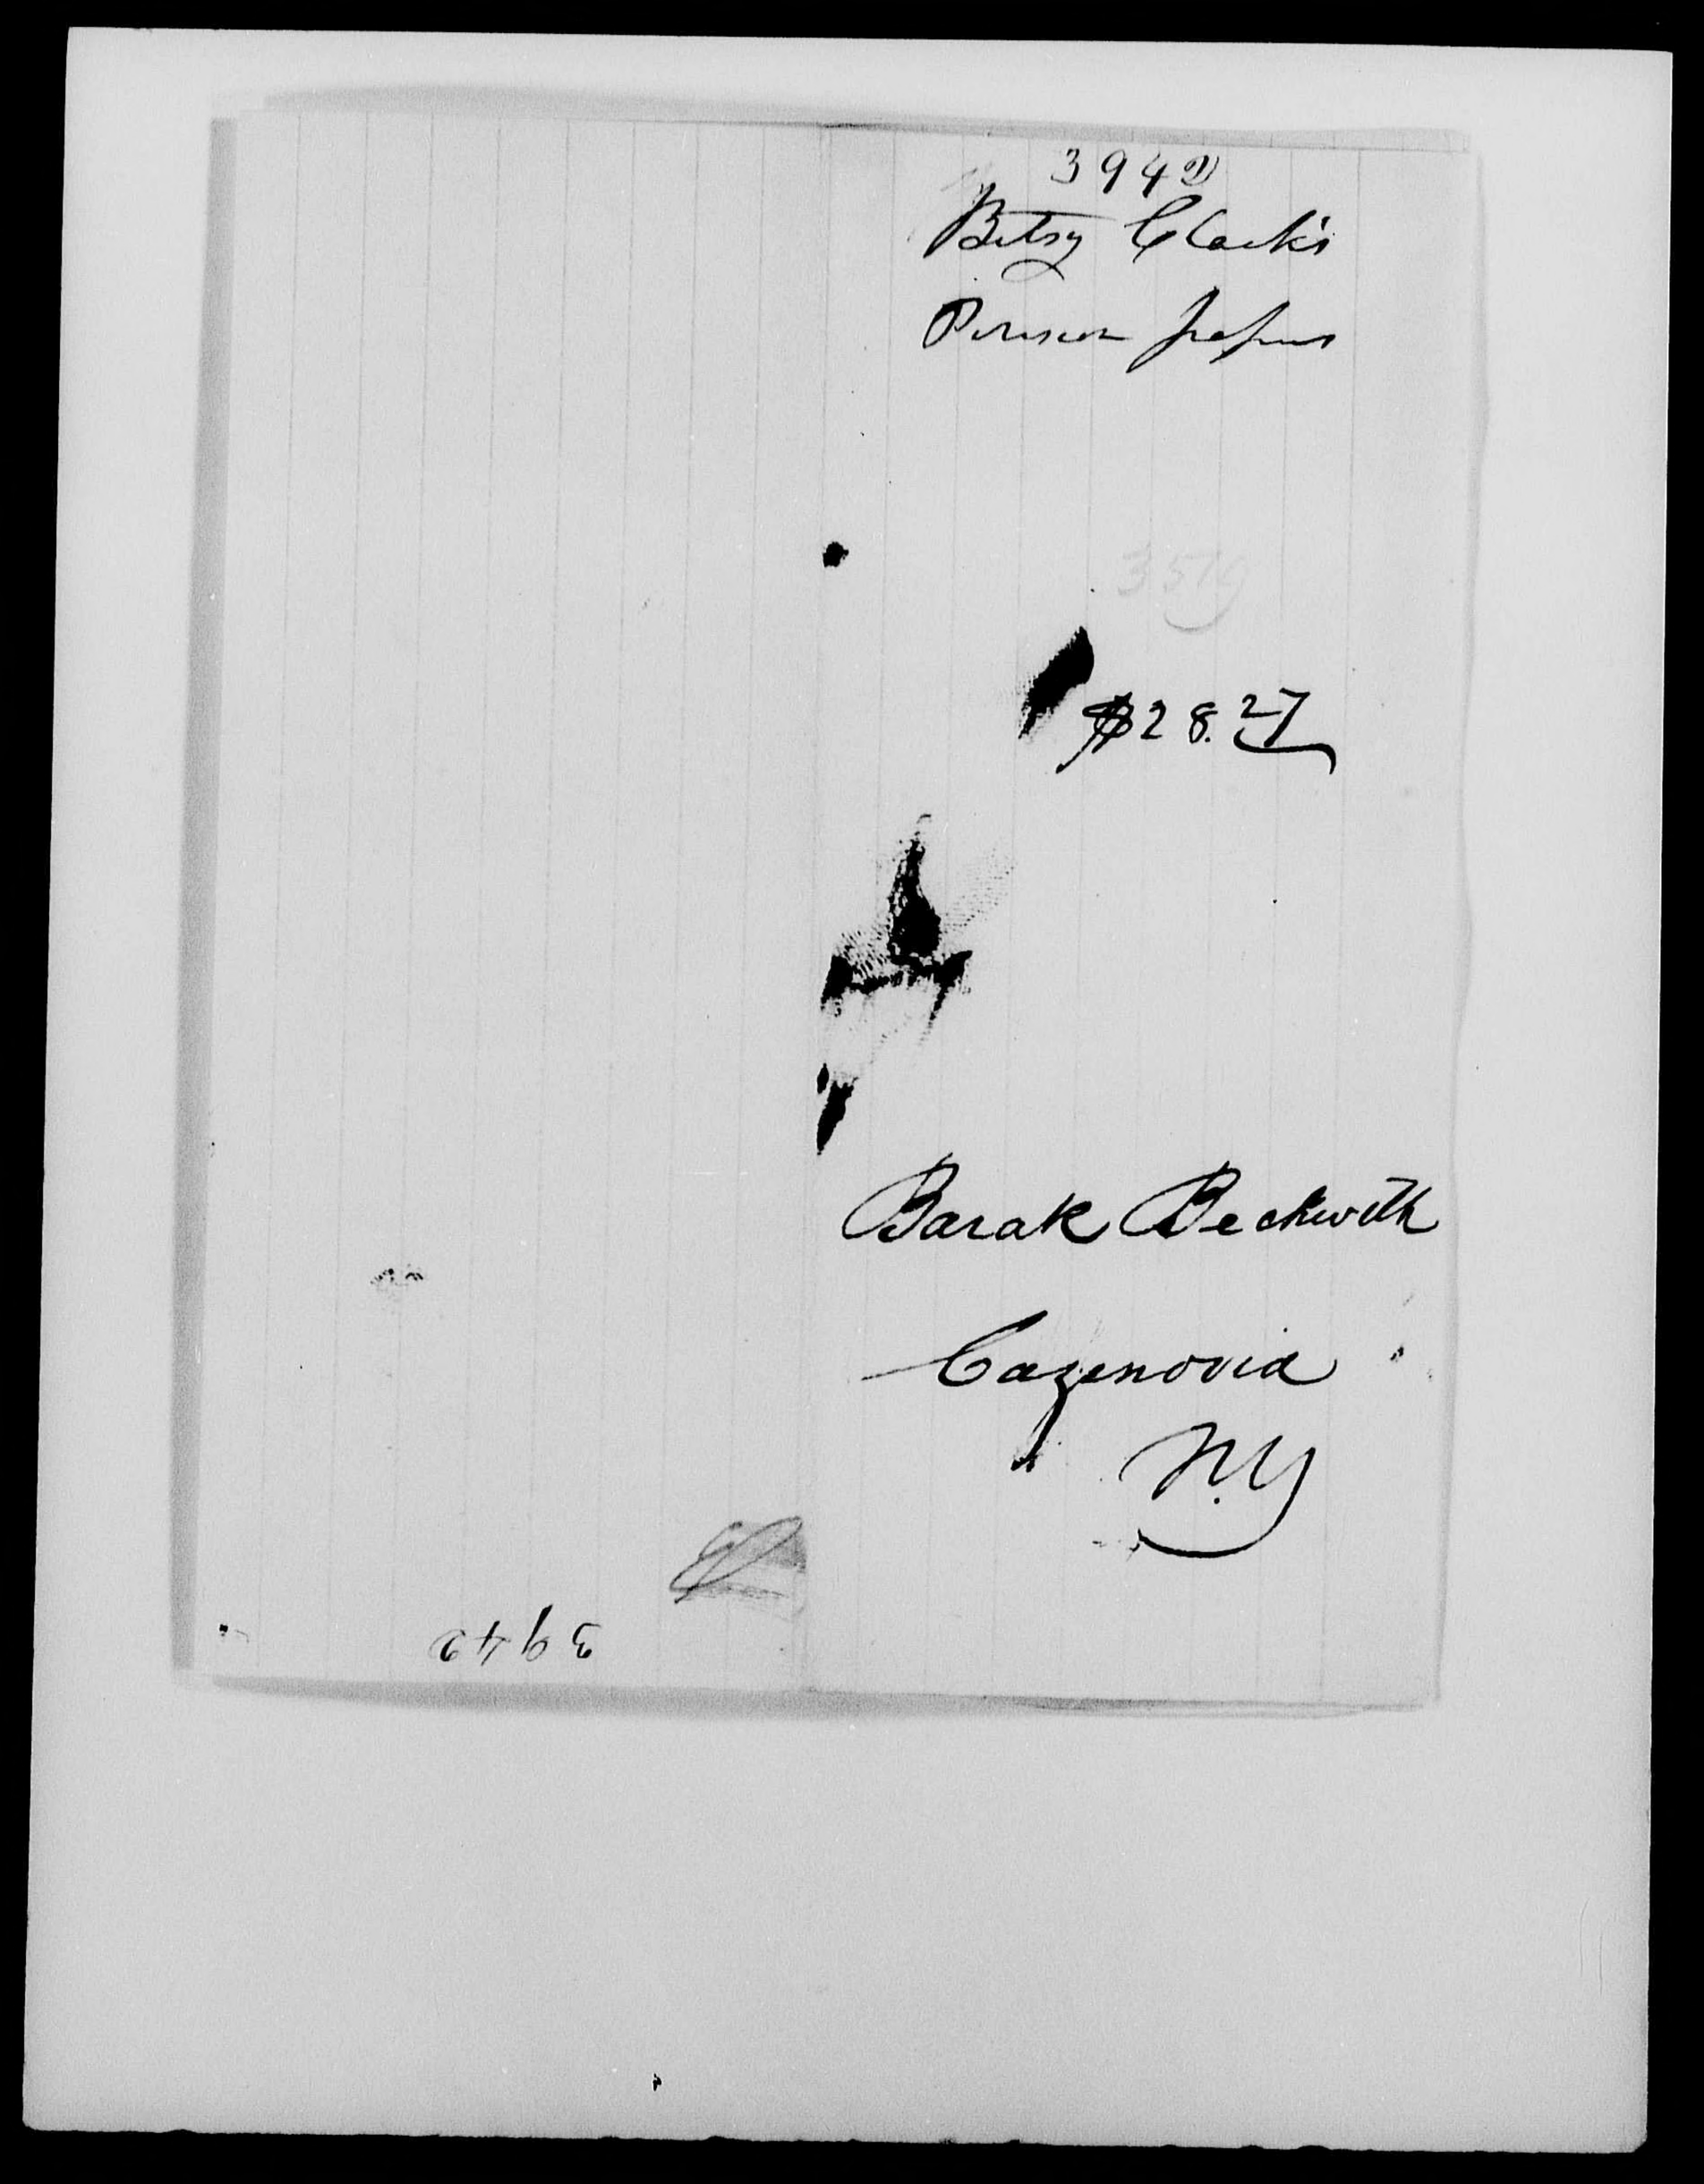3942
Betsy Clark's
Pension Papers
357

$28.27

Barak Beckwith 
Cazenovia NY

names: Betsy Clark, Barak Beckwith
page: 30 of 51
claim: widow's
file: W. 23816, Oliver Clark, Conn.